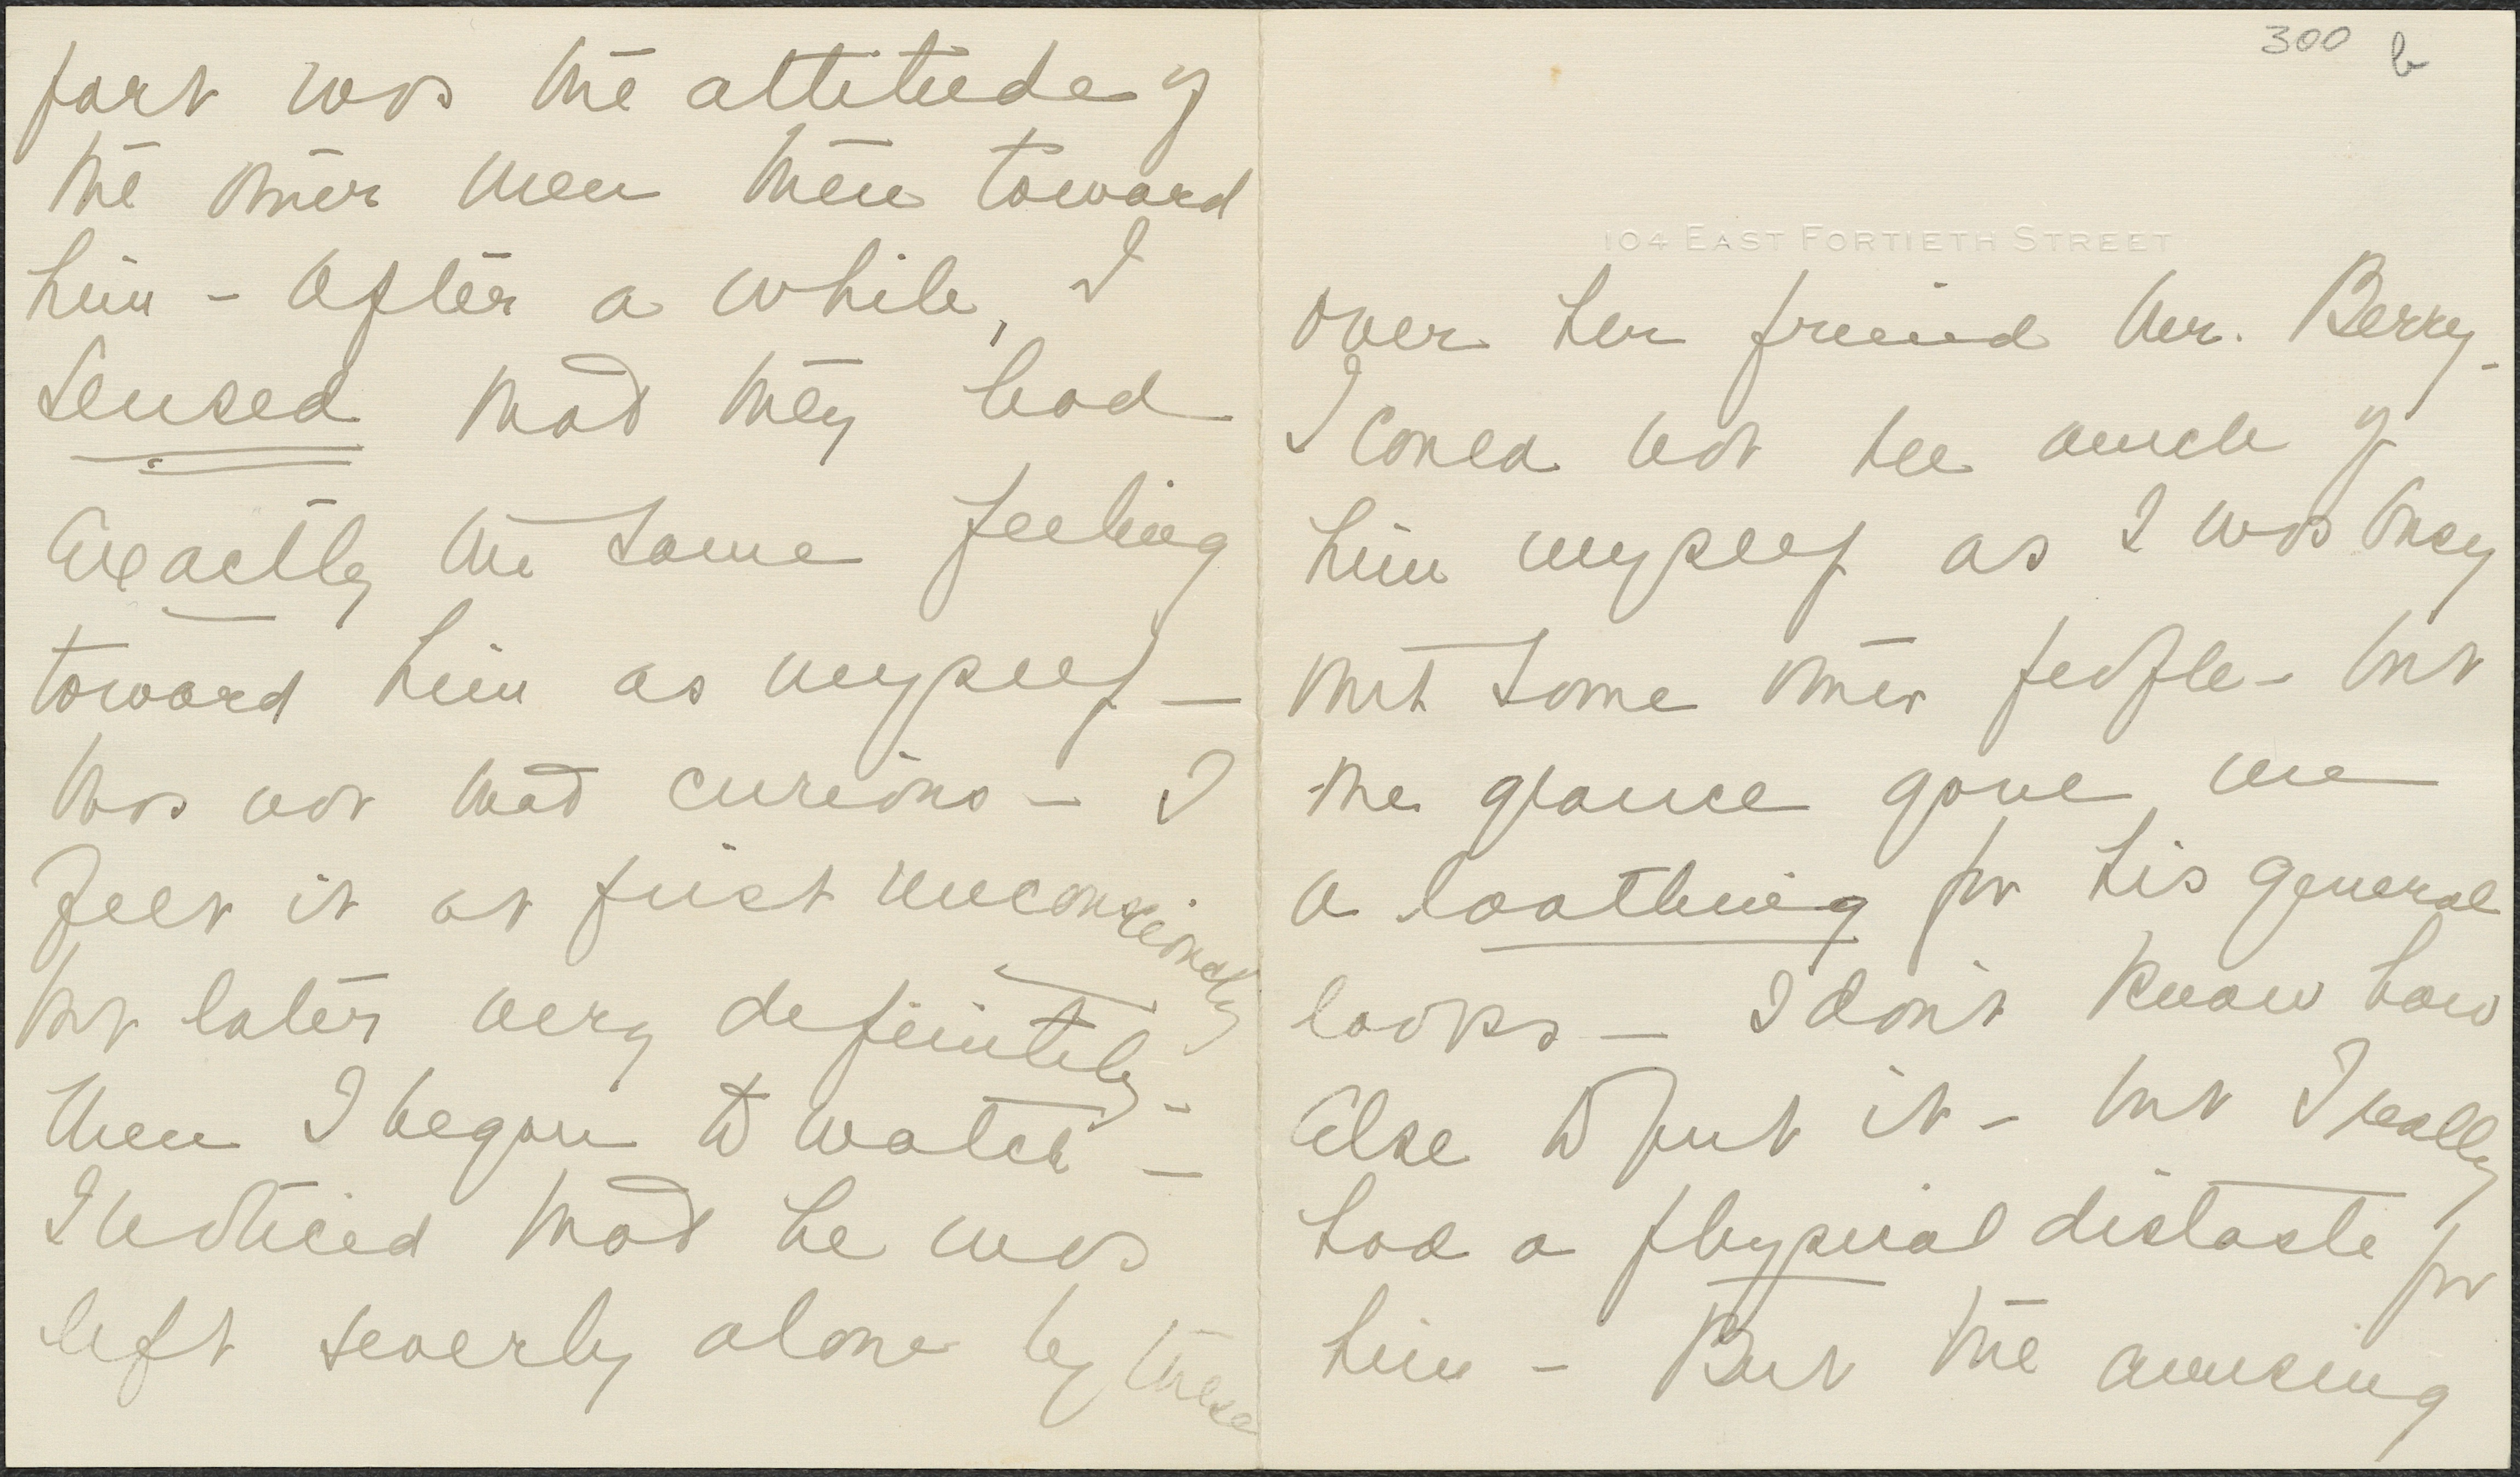over her friend Mr. Berry – I could not see much of him myself as I was busy with some other people – but the glance gave me a loathing for his general looks – I don’t know how else to put it – but I really had a physical distaste for him – But the amusing
part was the attitude of the other men there toward him – After a while, I [double underlined: sensed] that they had exactly the same feeling toward him as myself – Was not that curious – I felt it at first unconsciously but later very definitely – Then I began to watch – I noticed that he was left severely alone by these